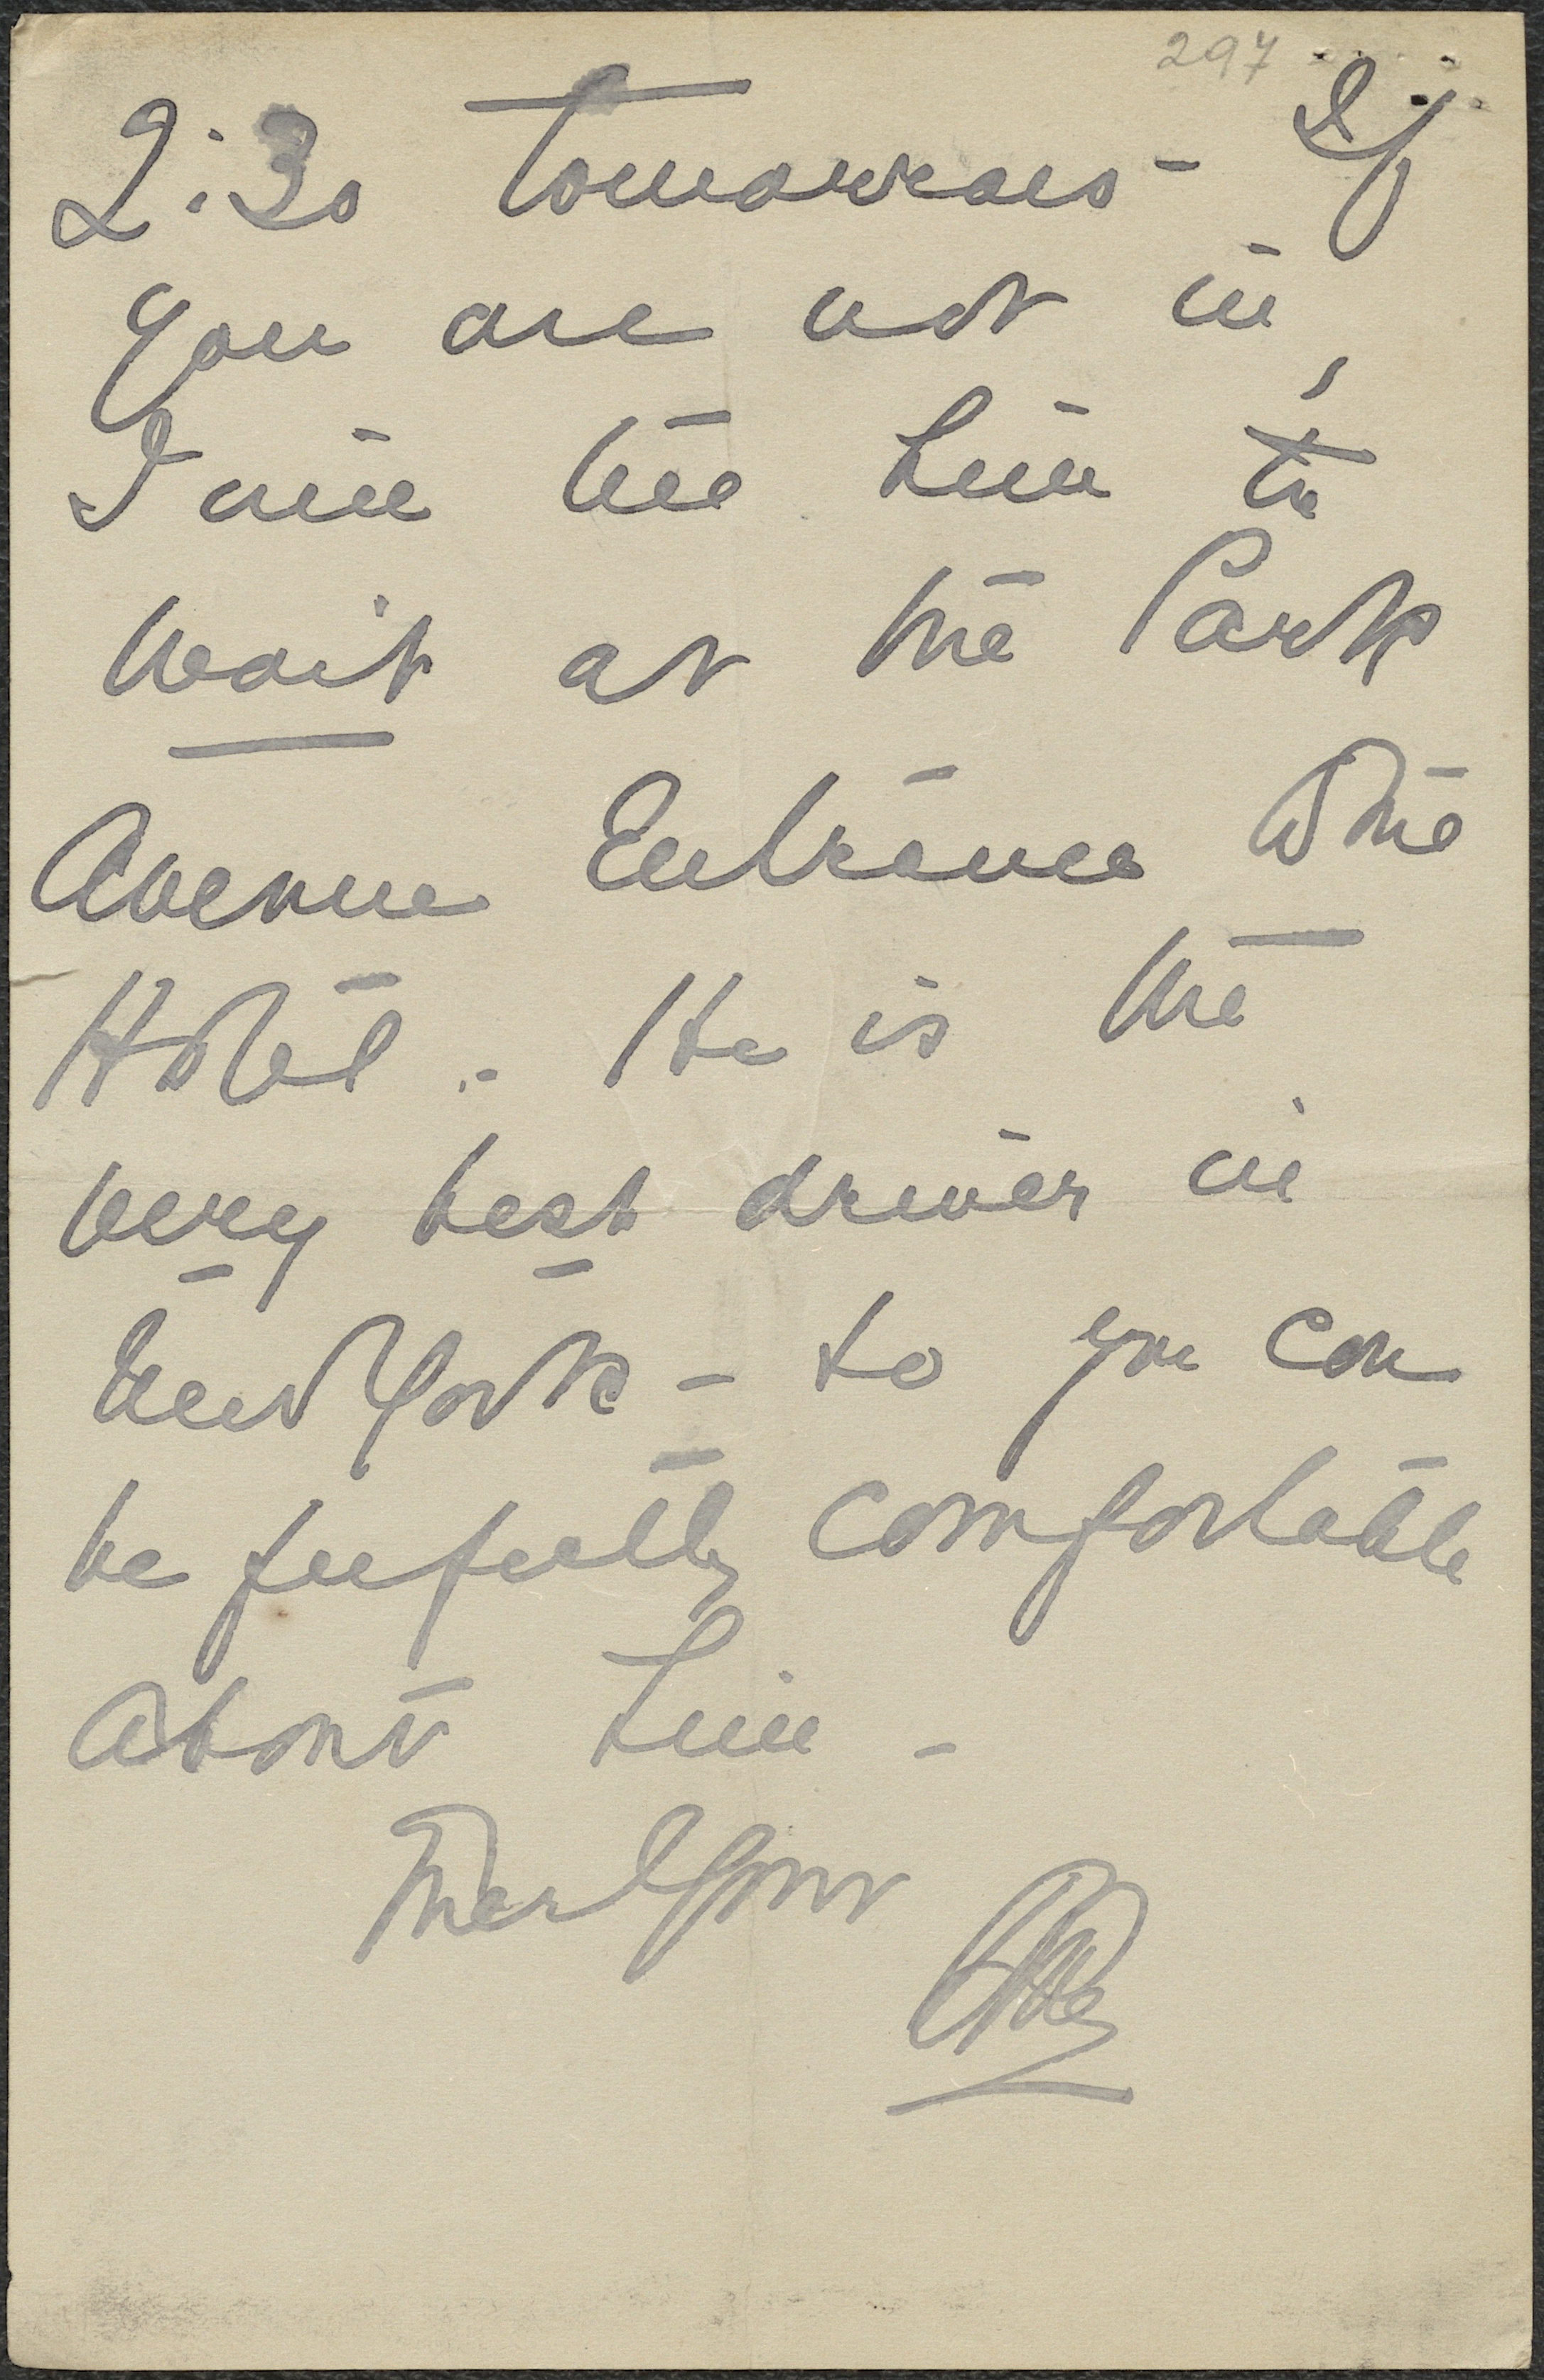2:30 tomorrow – If you are not in, I will tell him to wait at the Park Avenue Entrance to the Hotel – He is the very best driver in New York – so you can be perfectly comfortable about him –
Ever Your
Belle